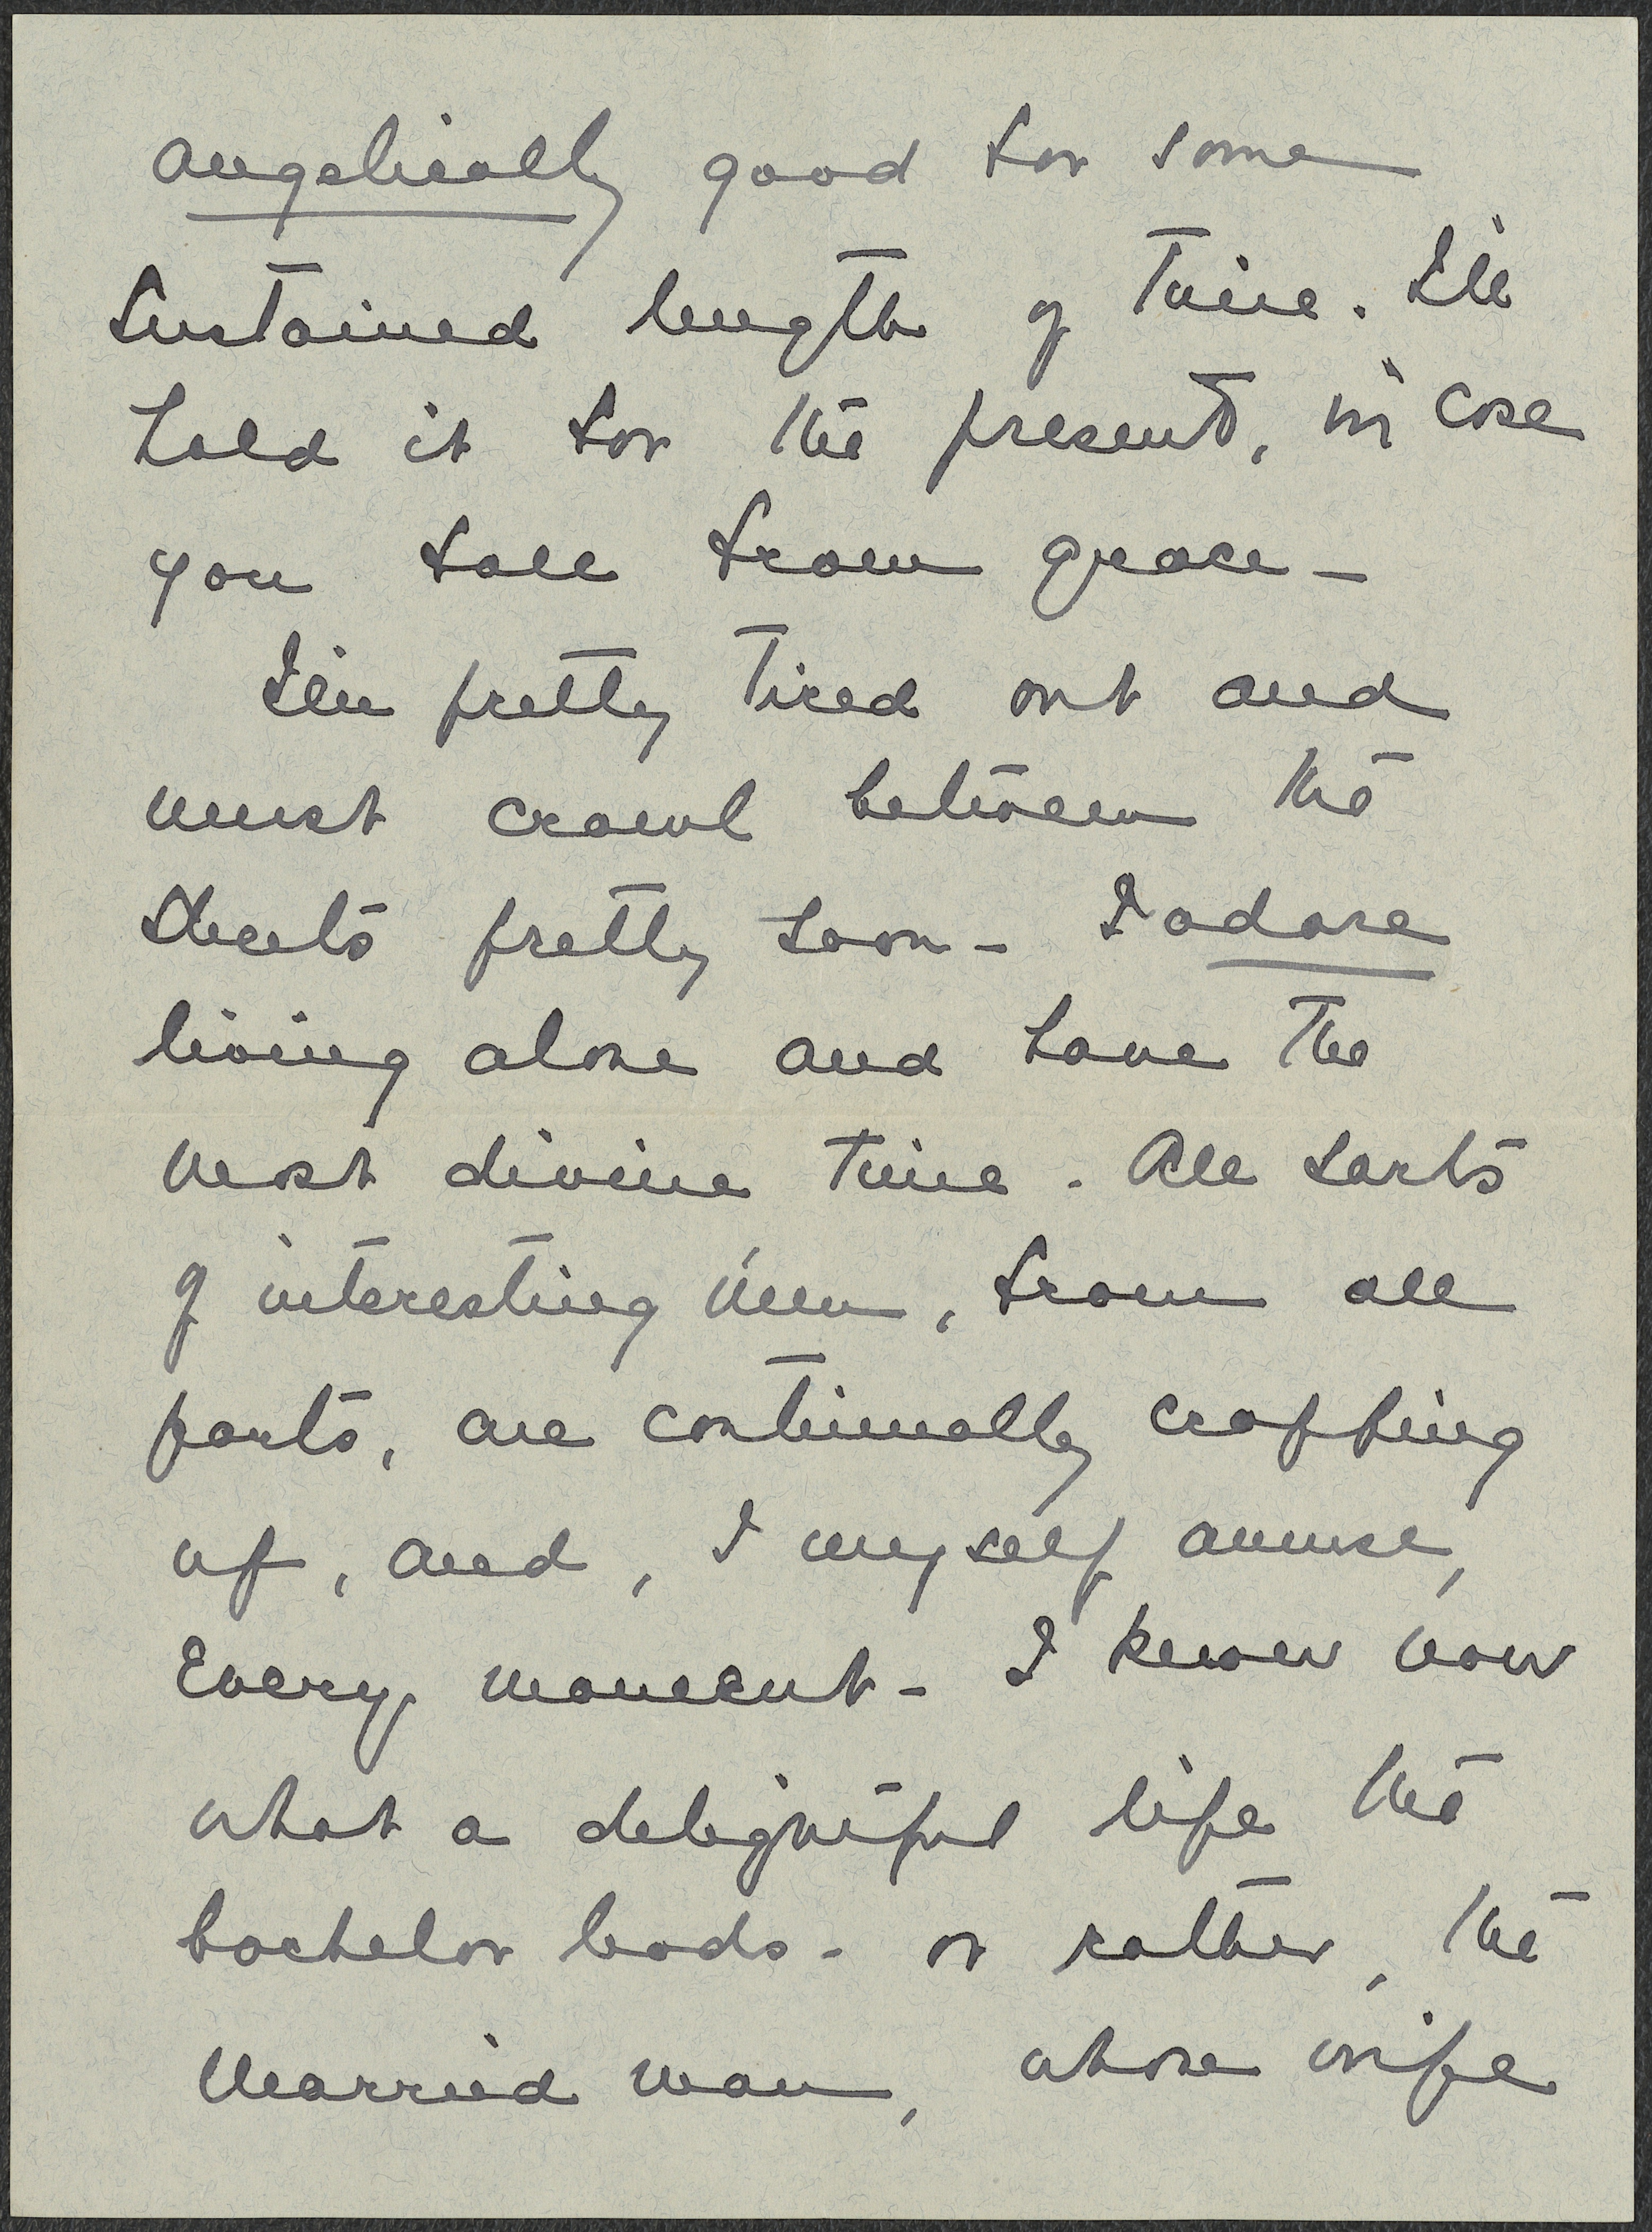angelically good for some sustained length of time. I’ll hold it for the present, in case you fall from grace –
I’m pretty tired out and must crawl between the sheets pretty soon – I adore living alone and have the most divine time – All sorts of interesting me, from all parts, are continually cropping up, and, I myself amuse, every moment – I know now that a delightful life the bachelor lads – or rather, the married man, whose wife